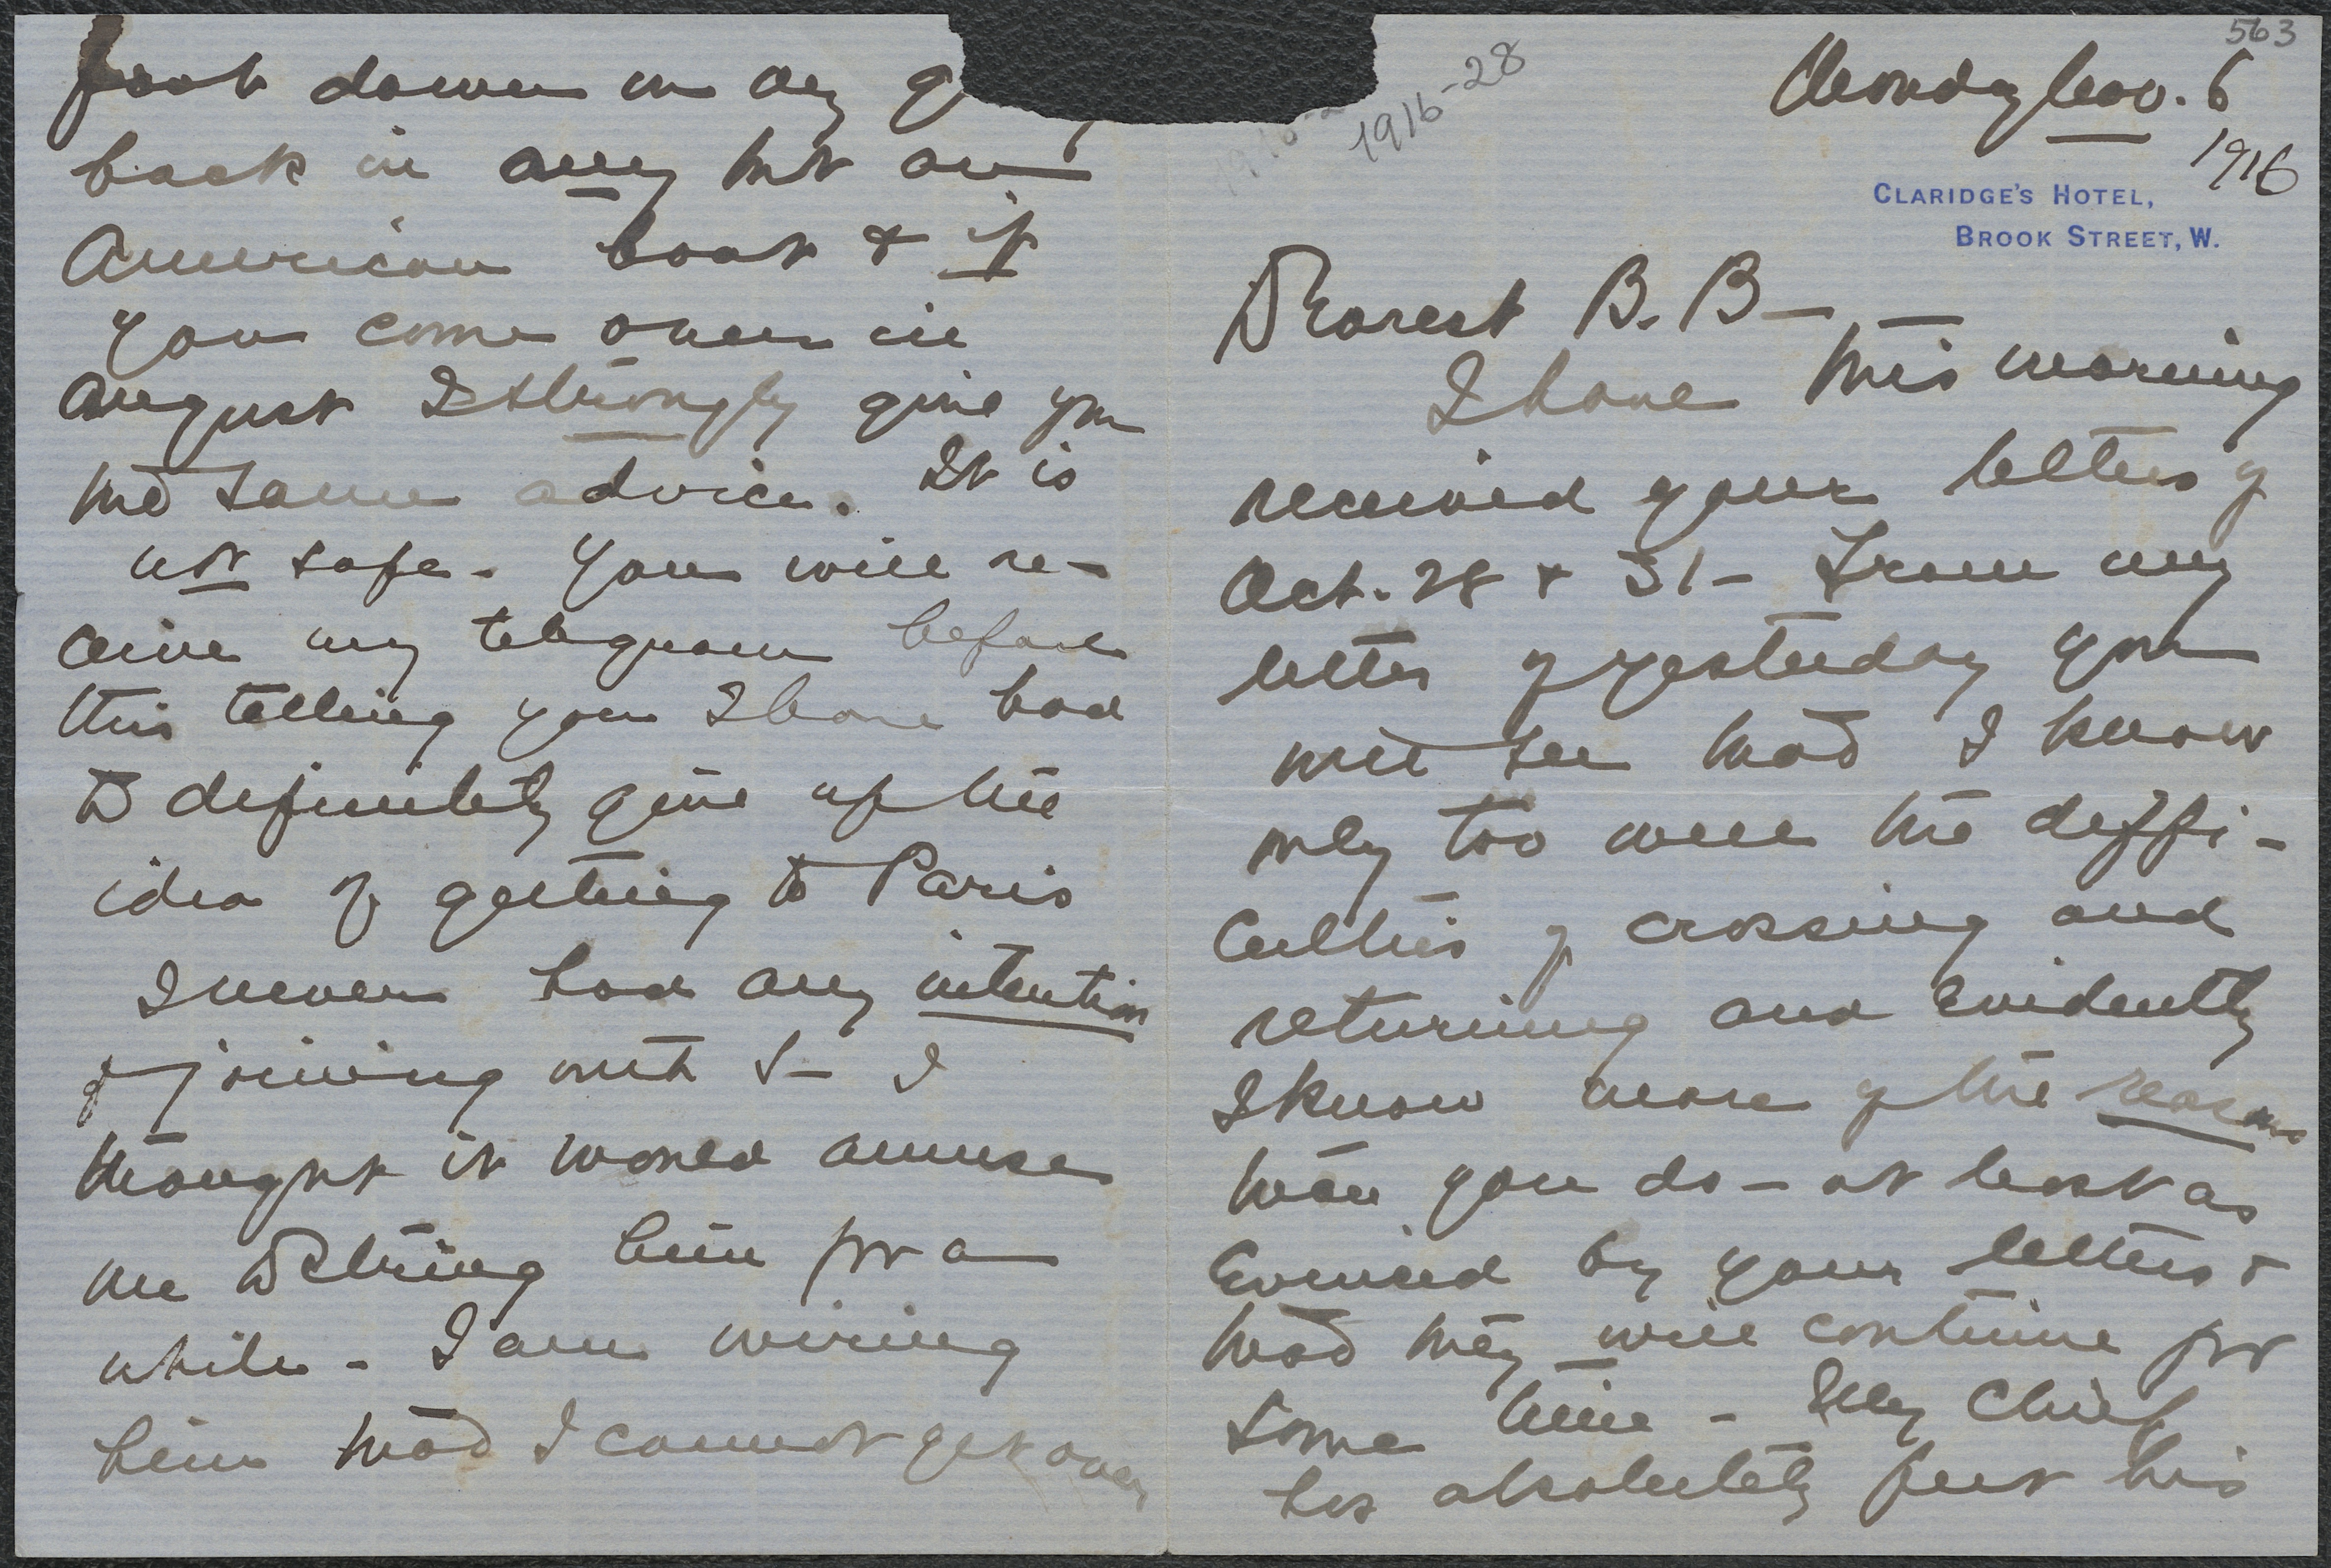Monday Nov. 6
Dearest B.B. –
I have this morning received your letters of Oct. 28 & 31 – From my letter of yesterday you will see that I know only too well the difficulties of crossing and returning and evidently I know more of the reasons than you do – at least as evinced by your letters & that they will continue for some time – My Chief has absolutely put his
foot down on my going back in any but an American boat & if you come over in August I strongly give you the same advice. It is not safe. You will receive my telegram before this telling you I have had to definitely give up the idea of getting to Paris
I never had any intention of joining with S– I thought it would amuse me to string him for a while – I am wiring him that I cannot get over